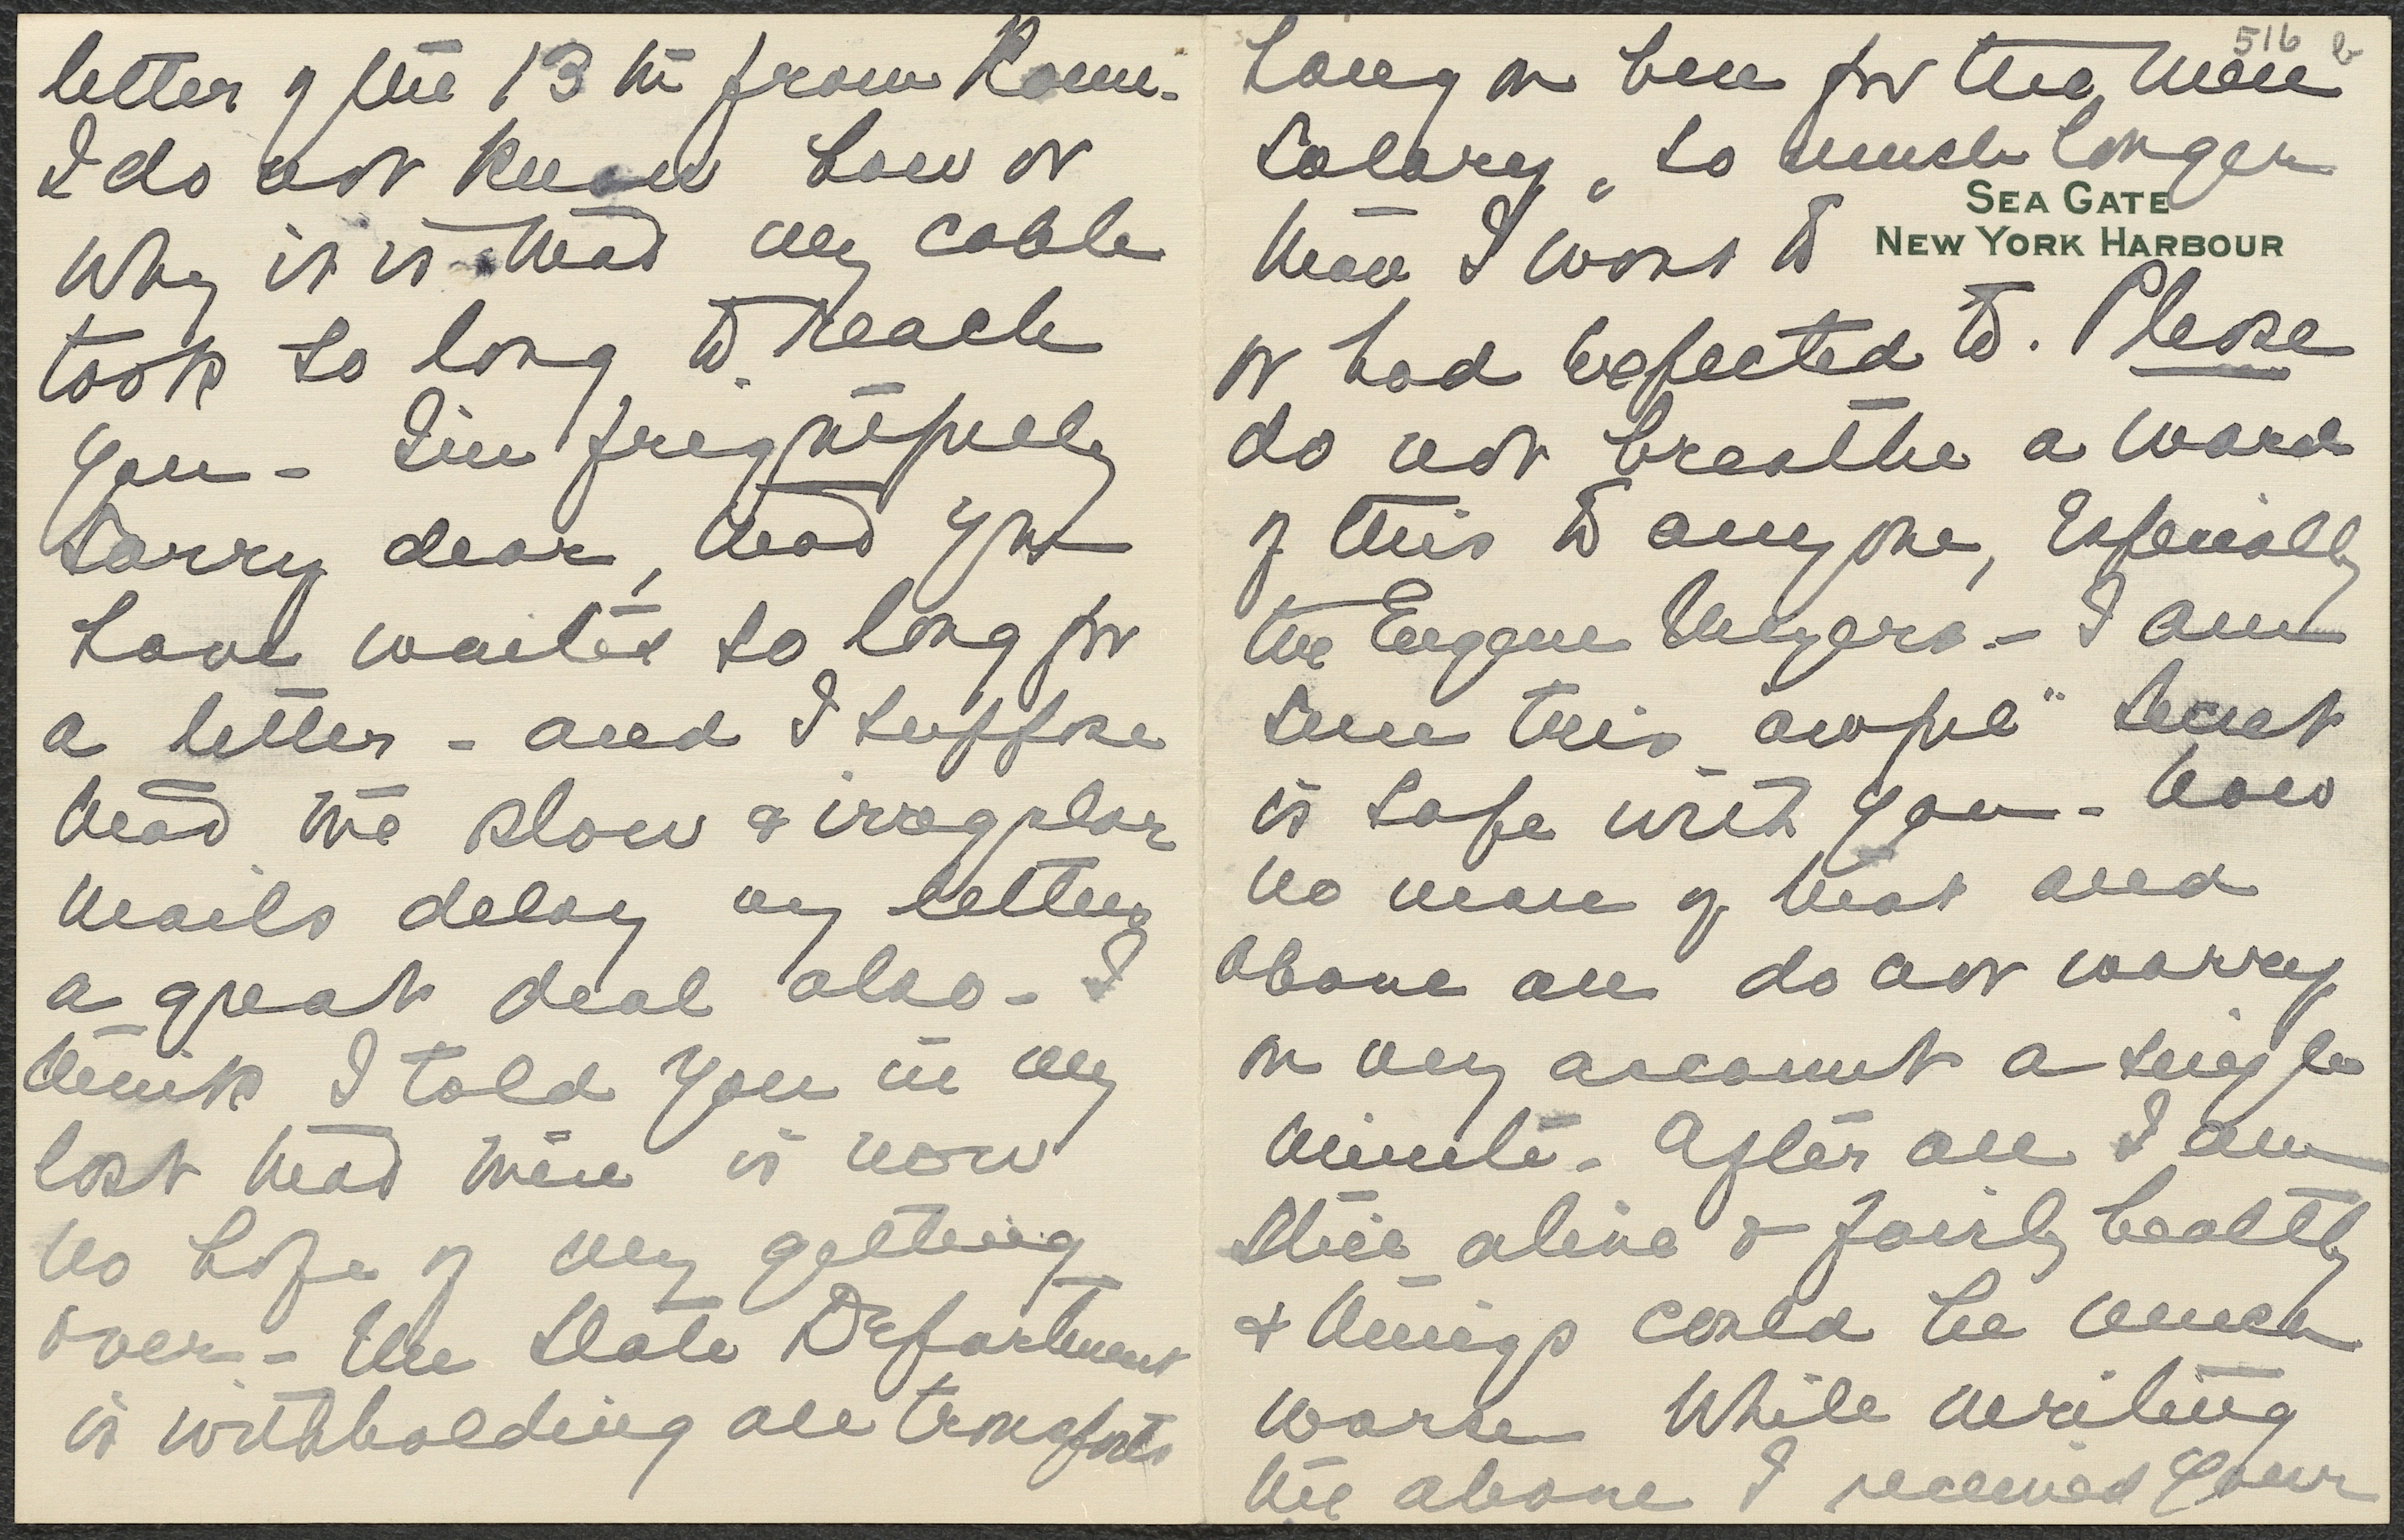hang on here for the mere salary, so much longer than I want to or had expected to. Please do not breathe a word of this to anyone, especially the Eugene Meyers – I am sure this "awful" secret is safe with you – Now no more of that and above all do not worry on my account a single minute – after all I am still alive & fairly healthy & things could be much worse – While writing the above I received your
letter of the 13th from Rome. I do not know how or why it is that my cable took so long to reach you – I'm frightfully sorry dear, that you have waited so long for a letter – and I suppose that the slow & irregular mails delay my letters a great deal also – I think I told you in my last that there is now no hope of my getting over – the State Department is withholding all transports